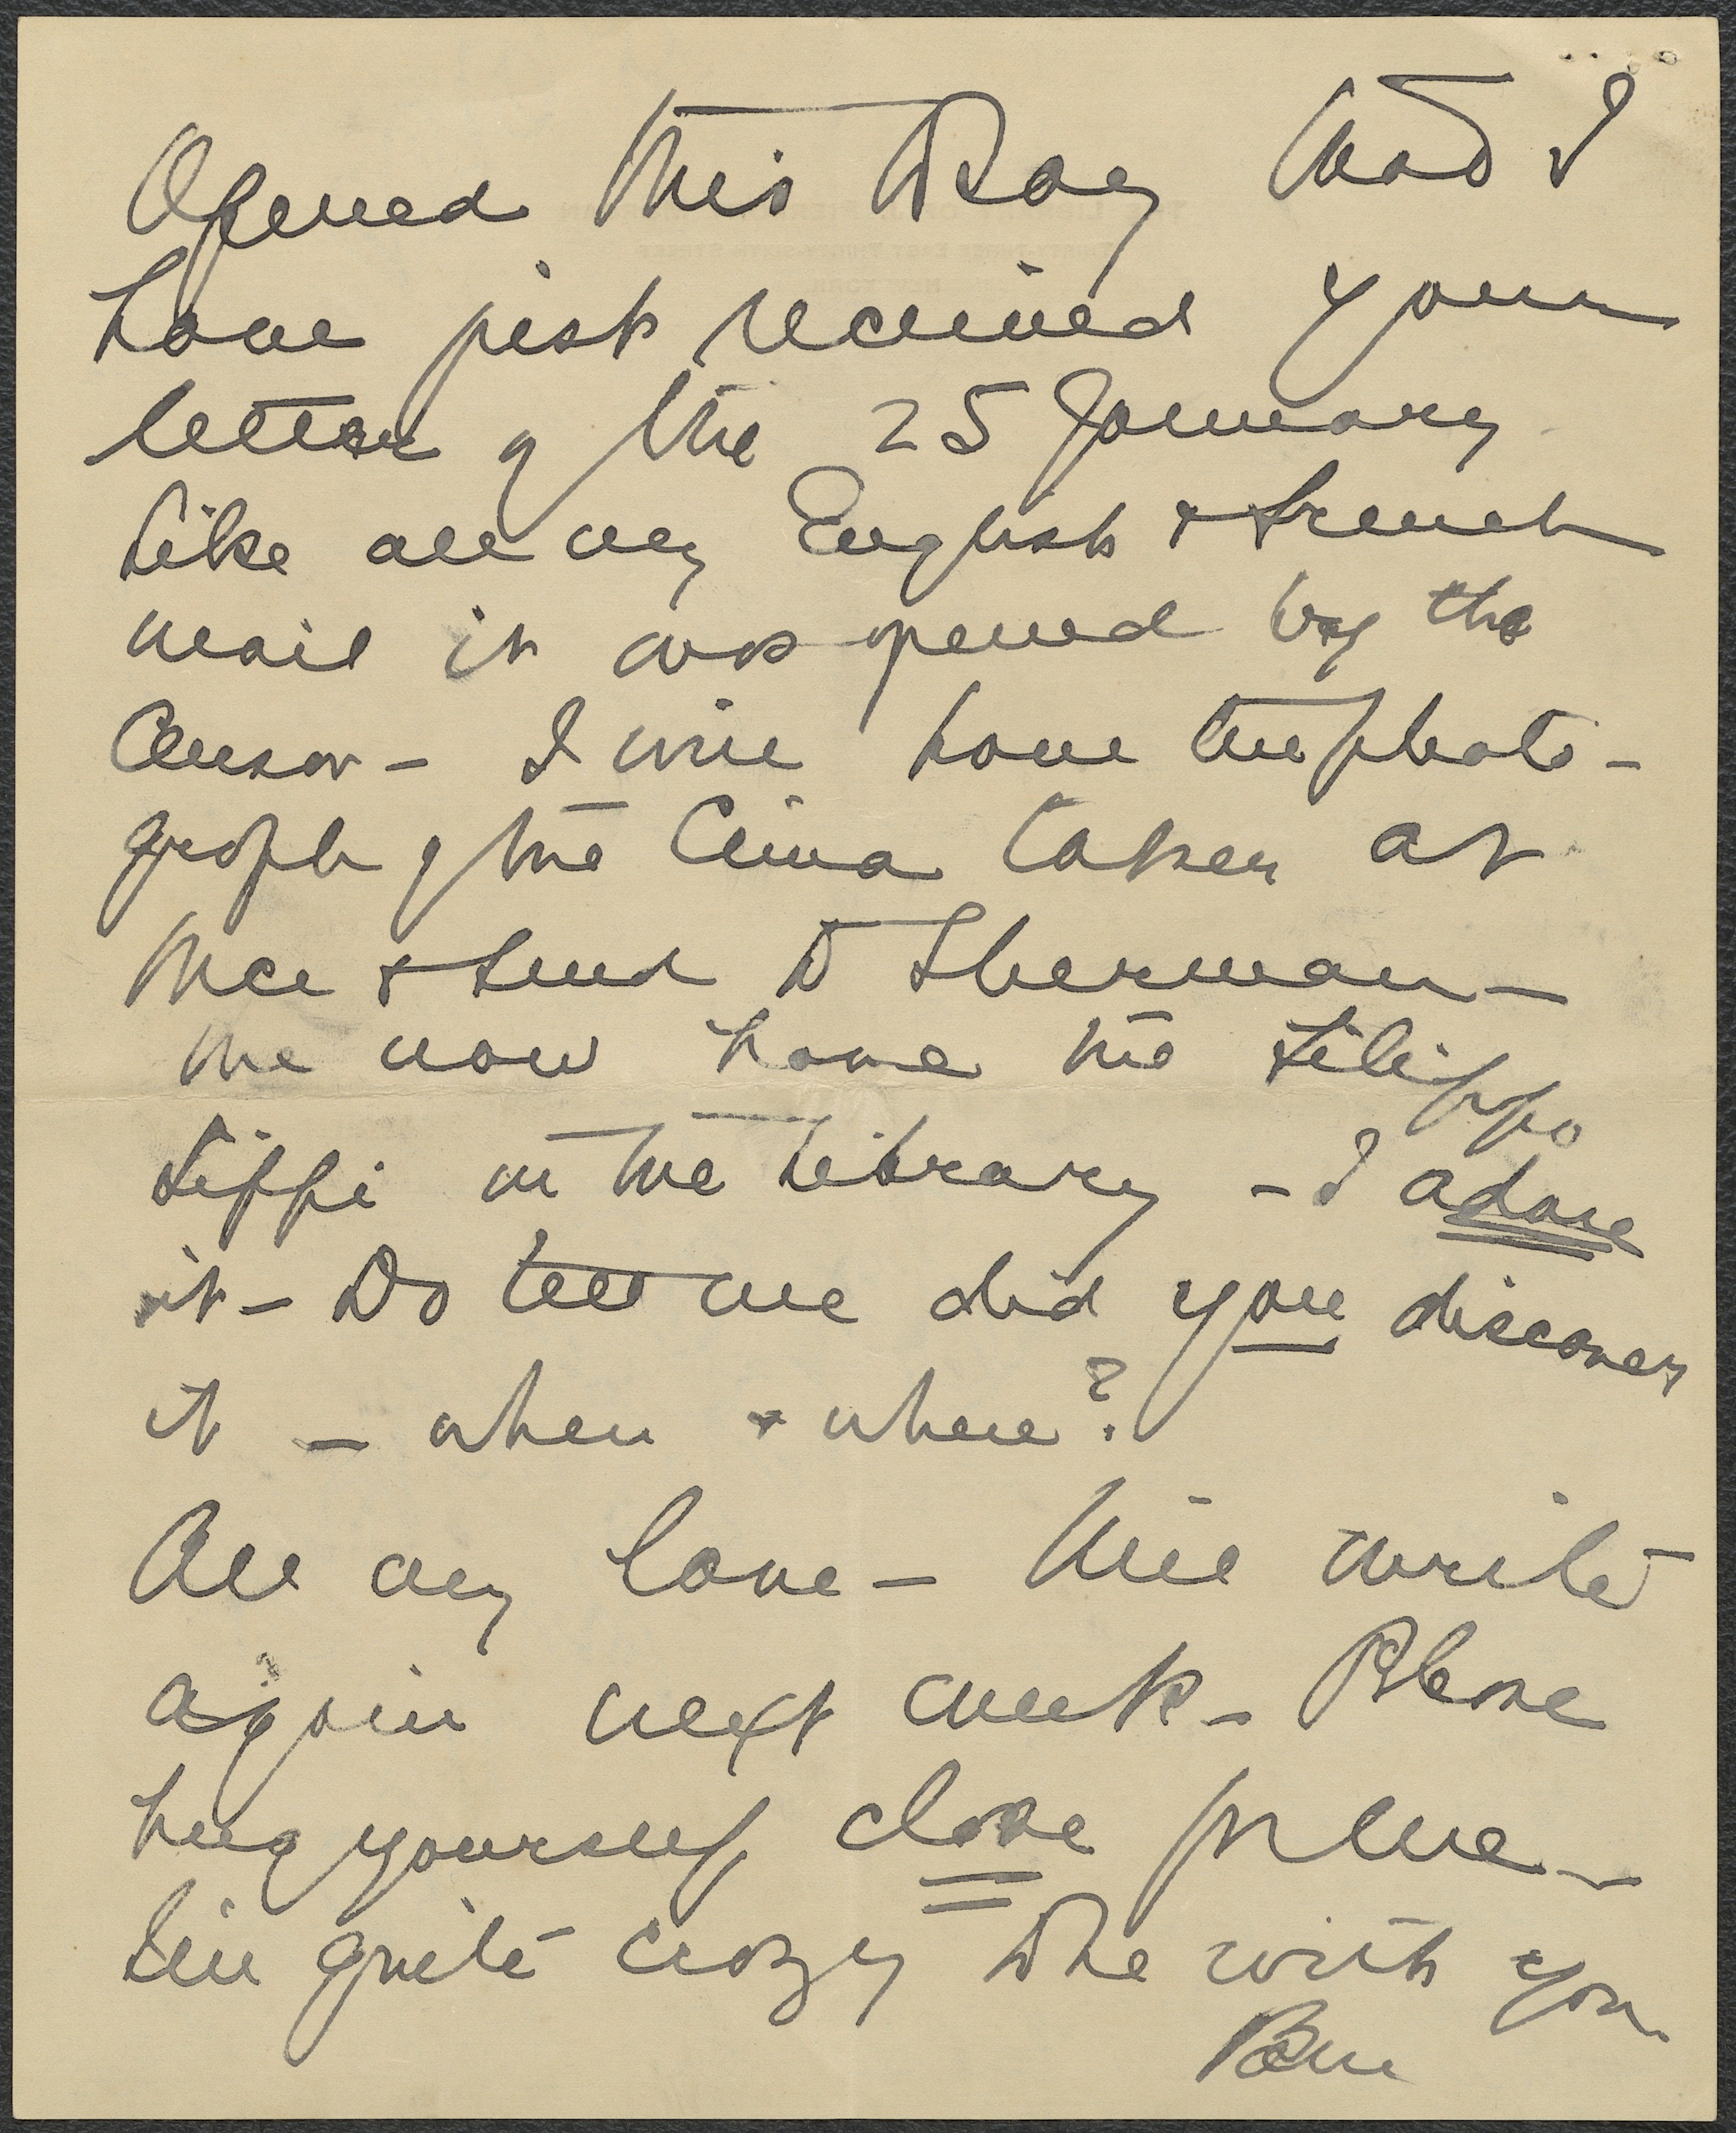Opened this to say that I have just received your letter of the 25 January Like all my English & French mail it was opened by the censor – I will have the photograph of the Cima taken at once & sent to Sherman – we now have the Filippo Lippi in the Library – I [double-underlined: adore] it – Do tell me did you discover it – when & where?
All my love –will write again next week – Please hug yourself [double-underlined: close] for me – I'm quite crazy to be with you. Belle